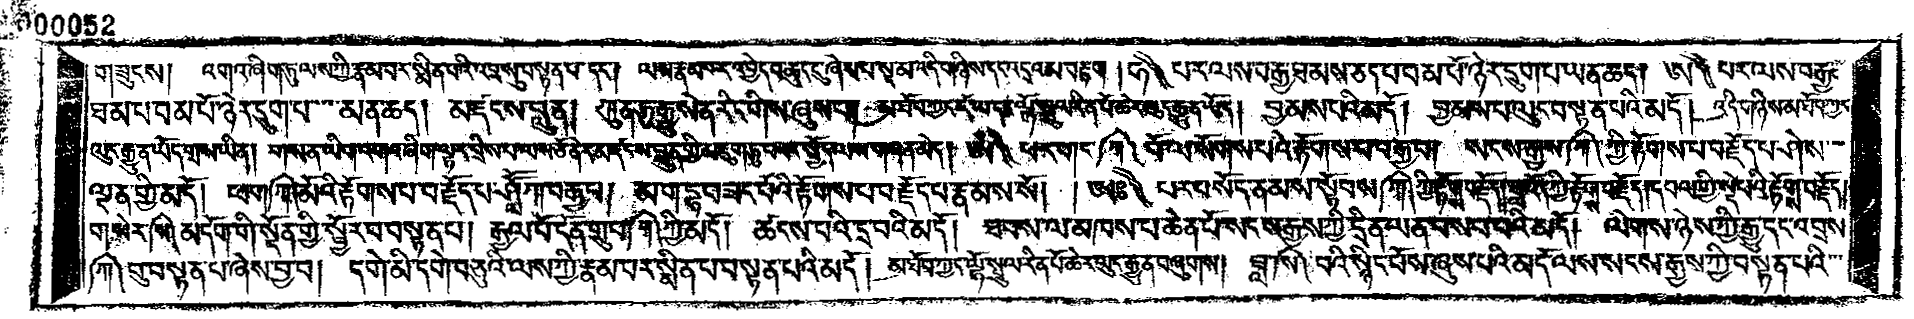གཟུངས། འགའ་ཞིག་ཏུ་ལས་ཀྱི་རྣམ་པར་སྨིན་པའི་བྲ་སུ་བསྟན་པ་དང་། ལས་རྣམ་པར་འབྱེད་པ་ཆུང་ངུ་ཞེས་པ་སྔ་མ་འདི་གཉིས་དང་འདྲའམ་བརྟག །ཧ༼༽ པར་ལས་བརྒྱ་ཐམས་ཅད་པ་བམ་པོ་ཉེར་དྲུག་པ་ཡན་ཆད། ཨ༼༽ པར་ལས་བརྒྱ་
ཐམ་པ་བམ་པོ་ཉེར་དྲུག་པ་མན་ཆད། མཛངས་བླུན། ཀུན་ཏུ་རྒྱུ་སེན་རིང་གིས་ཞུས་པ་མ་ཐོབ་ཀྱང་ཛ་ཡ་དང་ལྷོ་སྤྲུལ་རིན་པོ་ཆེར་ལུད་རྒྱུན་ཡོད།  བྱམས་པའི་མདོ། བྱམས་པ་ལུང་བསྟན་པའི་མདོ་འདི་གཉིས་མ་ཐོབ་ཀྱང་
ལུང་རྒྱུན་ཡོད་གྲས་ཡིན། སན་ཡིག་འགའ་ཞིག་ལྟར་བྲིས་པ་ལས་ཅོ་ནེར་མཛངས་བླུན་གྱི་མཇུག་ཏུ་བཟང་སྤྱོད་ལས་གཞན་མེད། ཨཾ༼༽ པར་གང ༼ཀ༽ པོ་ལ་སོགས་པའི་རྟོགས་པ་བརྒྱ་པ། སངས་རྒྱས ༼ཀ༽ ཀྱི་རྟོགས་པ་བརྗོད་པ་ཤེས་
ལྡང་ཡི་མདོ། ཕག ༼ཀ༽ མོའི་རྟོགས་པ་བརྗོད་པ་ཤླཽ་ཀ་བརྒྱ་པ། མ་ག་དྷ་བཟང་པོའི་རྟོགས་པ་བརྗོད་པ་རྣམས་སོ། །ཨཿ༼༽ པར་བསོད་ནམས་སྟོབས ༼ཀ༽ ཀྱི་རྟོགས་བརྗོད། ཟླ་འོད་ཀྱི་རྟོགས་བརྗོད། །དཔལ་གྱི་སྡེ་པའི་རྟོགས་བརྗོད།
གསེར ༼ས༽ མདོག་གི་སྔོན་གྱི་སྦྱོར་བ་བསྟན་པ། རྒྱལ་པོ་དོན་གྲུབ ༼ཀ༽ ཀྱི་མདོ། ཚངས་པའི་དྲ་བའི་མདོ། ཐབས་ལ་མཁས་པ་ཆེན་པོ་སངས་རྒྱས་ཀྱི་དྲིན་ལན་བསབ་པའི་མདོ། ལེགས་ཉེས་ཀྱི་རྒྱུ་དང་འབྲས་
༼ཀ༽ བུ་བསྟན་པ་ཞེས་བྱ་བ། དགེ་མི་དགེ་བཅུའི་ལས་ཀྱི་རྣམ་པར་སྨིན་པ་བསྟན་པའི་མདོ་མ་ཐོབ་ཀྱང་ལྷོ་སྤྲུལ་རིན་པོ་ཆེར་ལུང་རྒྱུན་བཞུགས།  ཟླ ༼ས༽ པའི་སྙིང་པོས་ཞུས་པའི་མདོ་ལས་སངས་རྒྱས་ཀྱི་བསྟན་པའི་